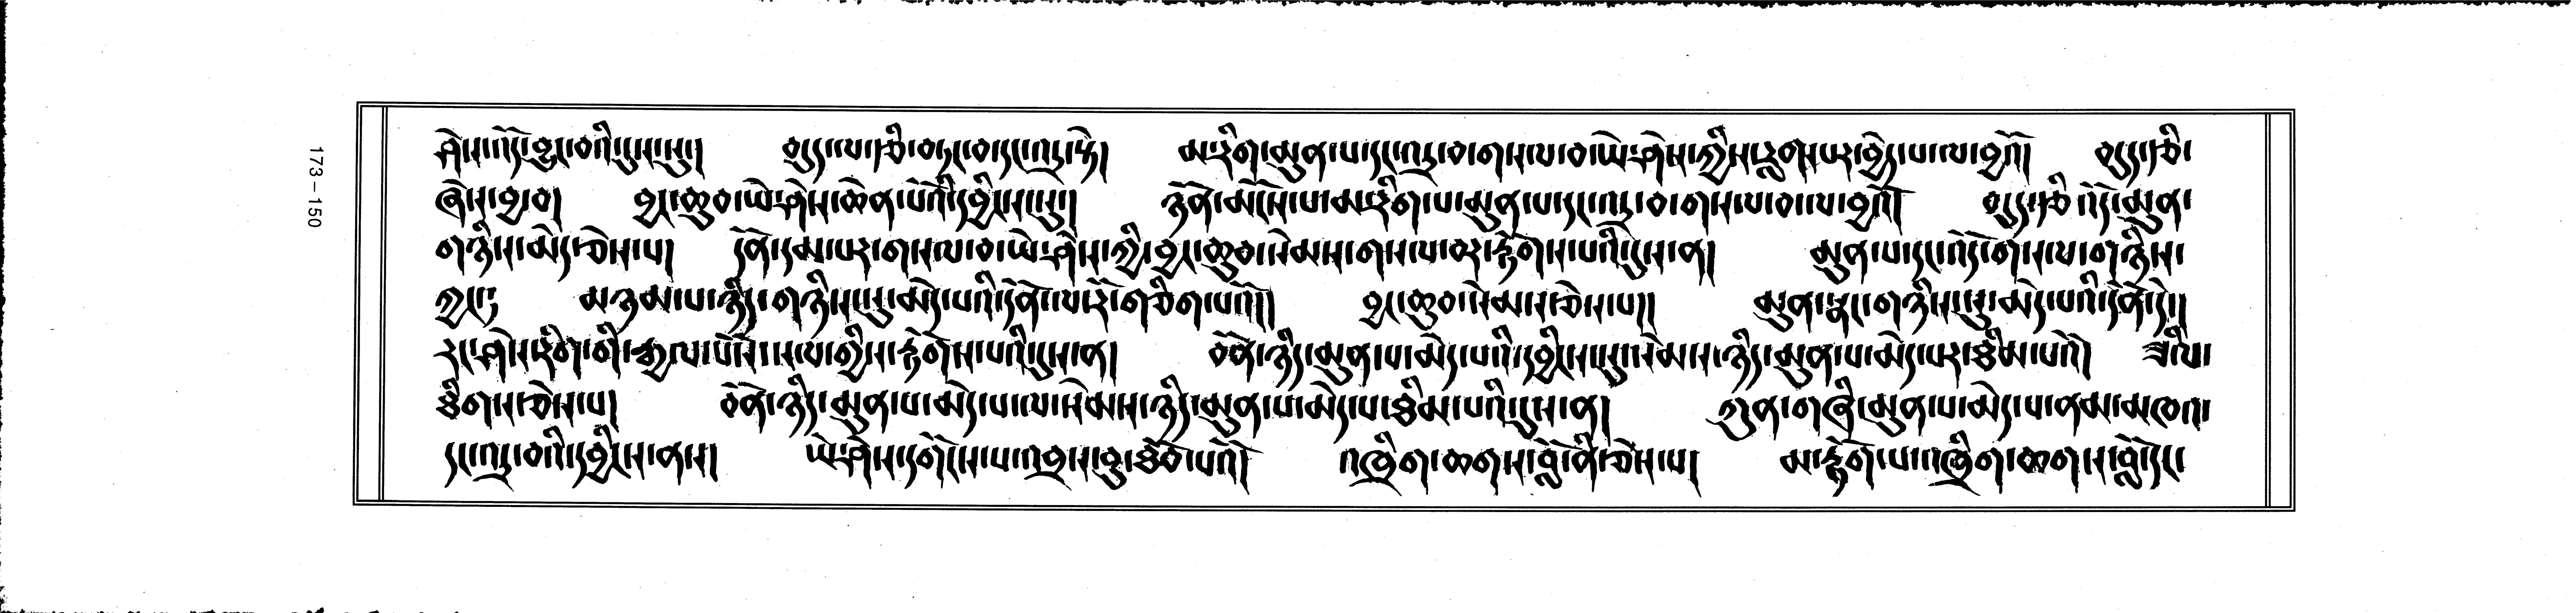ཤེས་འོད་བྱུང་བའི་དུས་ན། བདུད་ལས་རྩི་བཏང་བ་དང་འདྲ་སྟེ། མ་རིག་མུན་པ་དང་འདྲ་བ་གསལ་བ་ཡེ་ཤེས་ཀྱིས་བརླག་པར་བྱེད་པའོ། །བདུད་རྩི་
ཞེས་བྱ་བ་བྱང་ཆུབ་ཡེ་ཤེས་ཆེན་པོའི་དབྱིངས་སུ་། ཉོན་མོངས་མ་རིག་པའི་མུན་པ་དང་འདྲ་བ་གསལ་བ་བྱའོ། །བདུད་རྩི་འོད་མུན་
གཉིས་མེད་ཅེས་པས། དོན་དམ་པར་གསལ་བ་ཡེ་ཤེས་ཀྱི་བྱང་ཆུབ་ཀྱི་སེམས་གསལ་བར་རྟོགས་པའི་དུས་ན། མུན་པ་དང་འོད་གསལ་གཉིས་
ཀྱང་མཉམ་པ་ཉིད་གཉིས་སུ་མེད་པའི་དོན་ལ་རོ་གཅིག་པའོ། །བྱང་ཆུབ་སེམས་ཅེས་པ། མུན་སྣང་གཉིས་སུ་མེད་པའི་དོན་དེ་
རང་ཤེས་རིག་གི་རྒྱལ་པོས་སལ་གྱིས་རྟོགས་པའི་དུས་ན། བོན་ཉིད་མུན་པ་མེད་པའི་དབྱིངས་སུ། སེམས་ཉིད་མུན་པ་མེད་པར་ཐིམ་པའོ། །ཟིལ་
ཐིགས་ཅེས་པ། བོན་ཉིད་མུན་པ་མེད་པ་ལ། སེམས་ཉིད་མུན་པ་མེད་པ་ཐིམ་པའི་དུས་ན། ཀུན་གཞི་མུན་པ་མེད་པ་ནམ་མཁའ་
དང་འདྲ་བའི་དབྱིངས་ནས། ཡེ་ཤེས་དགོངས་པ་འབྲས་བུ་ཐོབ་པའོ། །འཁྲིག་ཆགས་བློ་ནི་ཅེས་པ། མ་རྟོགས་པ་འཁྲིག་ཆགས་བློ་དང་